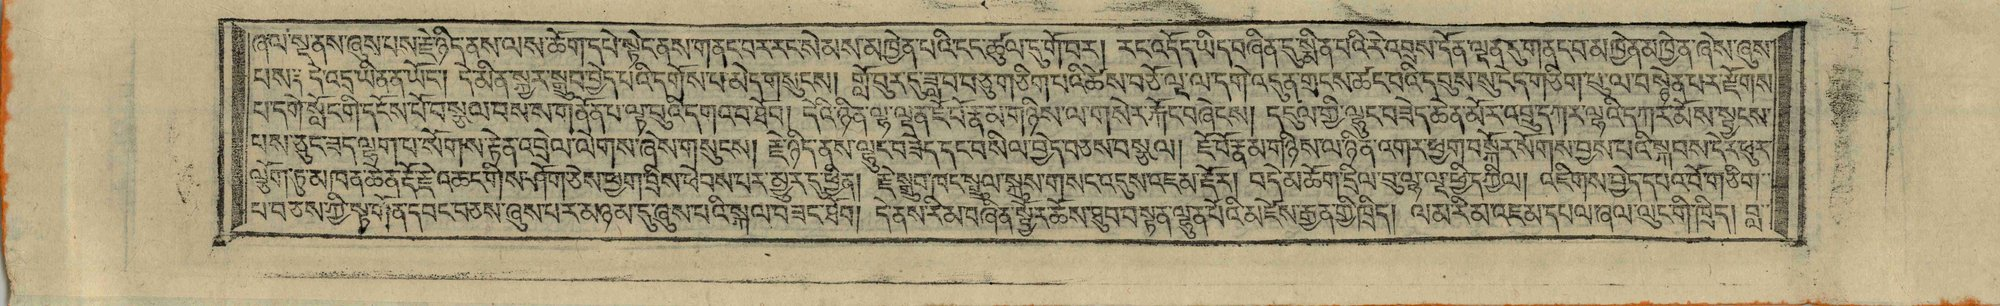ཞལ་སྔ་ནས་ཞུས་པས་རྗེ་ཉིད་ནས་ལས་ཆོག་དཔེ་སྟེང་ནས་གནང་བར་རང་སེམས་མཁྱེན་པའི་ངང་ཚུལ་དུ་གོ་བར། རང་འདོད་ཡིད་བཞིན་དུ་སྨིན་པའི་རེ་འབྲས་དོན་ལྡན་དུ་གནང་བ་མཁྱེན་མཁྱེན་ཞེས་ཞུས་
པས༑ དེ་འདྲ་ཡིན་ན་ཡོང་། དེ་མིན་སྐྱར་སྒྲུབ་བྱེད་པའི་དགོས་པ་མེད་གསུངས། གློ་བུར་དུ་ཟླ་བ་བཅུ་གཅིག་པའི་ཚེས་བཅོ་ལྔ་ལ་དགེ་འདུན་གྲངས་ཚང་བའི་དབུས་སུ་ངེད་གཅིག་པུ་ལ་བསྙེན་པར་རྫོགས་
པ་དགེ་སློང་གི་དངོས་པོ་བསྩལ་བས་ས་གནོན་པ་ལྟ་བུའི་དགའ་བ་ཐོབ། དེའི་ཉིན་ལྷ་ལྡན་ཇོ་བོ་རྣམ་གཉིས་ལ་གསེར་རྐོང་བཞེངས། དངུལ་གྱི་ལྷུང་བཟེད་ཆེན་མོར་འབྲུ་དཀར་ལྷའི་དཀར་མོས་སྦྱངས་
པས་ཅུང་ཟད་ལྷག་པ་སོགས་རྟེན་འབྲེལ་ལེགས་ཞེས་གསུངས། རྗེ་ཉིད་ནས་ལྷུང་བཟེད་དང་བསིལ་བྱེད་བཅས་བསྩལ། ཇོ་བོ་རྣམ་གཉིས་ལ་ཉིན་འགར་ཕྱག་བསྐོར་སོགས་བྱས་པའི་སྐབས་དེར་ཕུར་
ལྕོག་ཏུ་མཁན་ཆེན་རྡོ་རྗེ་འཆང་གིས་ཤོག་ཅེས་ཕྱག་བྲིས་ཕེབས་པར་མྱུར་དུ་ཕྱིན། རྗེ་སྒྲུབ་ཁང་སྤྲུལ་སྐུས་གསང་འདུས་འཇམ་རྡོར། བདེ་མཆོག་དྲིལ་བུ་ལྷ་ལྔ་ཕྱི་དཀྱིལ། འཇིགས་བྱེད་དཔའ་བོ་གཅིག་
པ་བཅས་ཀྱི་སྟ་གོན་དབང་བཅས་ཞུས་པར་མཉམ་དུ་ཞུས་པའི་སྐལ་བཟང་ཐོབ། དེ་ནས་རིམ་བཞིན་སྦྱོར་ཆོས་ཐུབ་བསྟན་ལྷུན་པོའི་མཛེས་རྒྱན་གྱི་ཁྲིད། ལམ་རིམ་འཇམ་དཔལ་ཞལ་ལུང་གི་ཁྲིད། བླ་